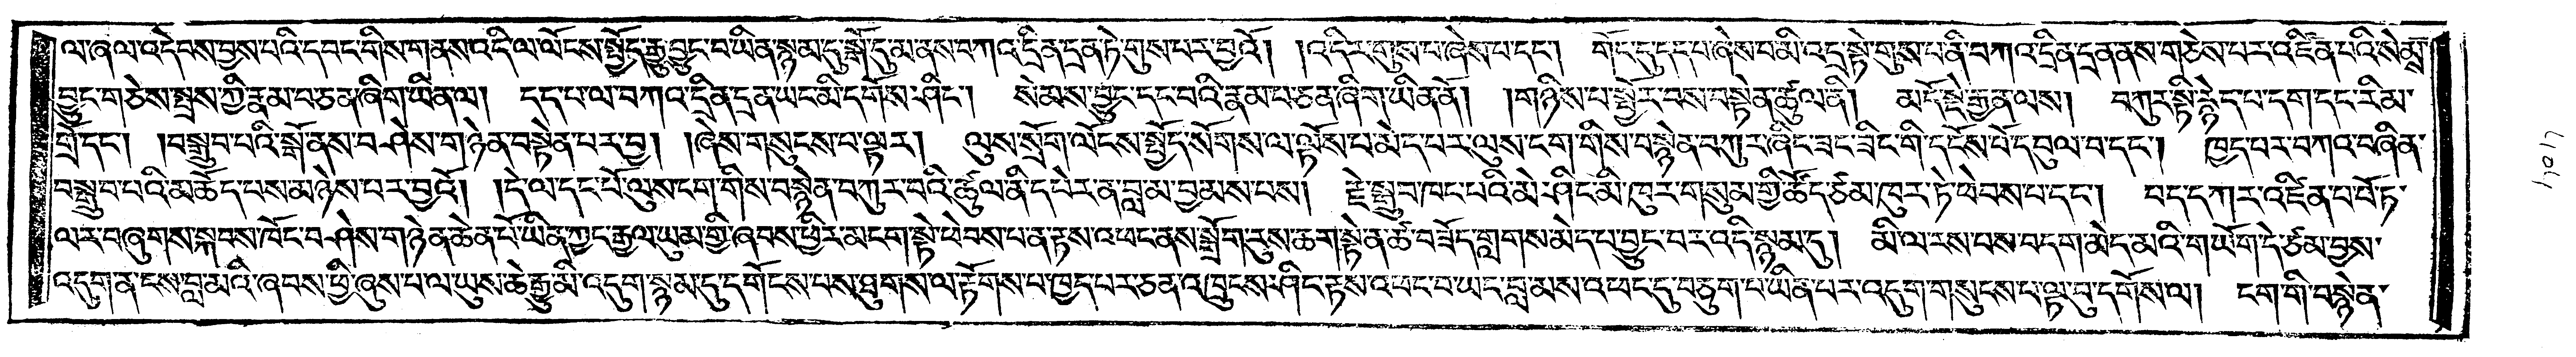ལ་ཞལ་འདེབས་བྱས་པའི་དབང་གིས་གནས་འདི་ལ་ལོངས་སྤྱོད་རྒྱུ་བྱུང་བ་ཡིན་སྙམ་དུ་སྒོ་དུ་མ་ནས་བཀའ་དྲིན་དྲན་ཏེ་གུས་པར་བྱའོ། །འདིར་གུས་པ་ཞེས་པ་དང་། གོང་དུ་དད་པ་ཞེས་བ་མི་འདྲ་སྟེ་གུས་པ་ནི་བཀའ་དྲིན་དྲན་ནས་གཅེས་པར་འཛིན་པའི་སེམས་
བྱུང་གཅེས་སྒྲས་ཀྱི་རྣམ་པ་ཅན་ཞིག་ཡིན་ལ། དད་པ་ལ་བཀའ་དྲིན་དྲན་ཡང་མི་དགོས་ཤིང་། སེམས་བྱུང་དང་བའི་རྣམ་པ་ཅན་ཞིག་ཡིན་ནོ། །གཉིས་བ་སྦྱོར་བས་བསྟེན་ཚུལ་ནི། མདོ་སྡེ་རྒྱན་ལས། བཀུར་སྟི་རྙེད་པ་དག་དང་རིམ་
གྲོ་དང་། །བསྒྲུབ་པའི་སྒོ་ནས་བཤེས་གཉེན་བསྟེན་པར་བྱ། །ཞེས་གསུངས་པ་ལྟར། ལུས་སྲོག་ལོངས་སྤྱོད་སོགས་ལ་ལྟོས་པ་མེད་པར་ལུས་ངག་གིས་བསྙེན་བཀུར་ཞིང་ཟང་ཟིང་གི་དངོས་པོ་དབུལ་བ་དང་། ཁྱད་པར་བཀའ་བཞིན་
བསྒྲུབ་པའི་མཆོད་པས་མཉེས་པར་བྱའོ། །དེ་ལ་དང་པོ་ལུས་ངག་གིས་བསྙེན་བཀུར་བའི་ཚུལ་ནི་དཔེར་ན་བླ་མ་བྱམས་པས། རྗེ་སྒྲུབ་ཁང་པའི་མེ་ཤིང་མི་ཁུར་གསུམ་གྱི་ཚོད་ཙམ་ཁུར་ཏེ་ཕེབས་པ་དང་། བད་དཀར་འཛིན་པ་པོ་ཏ་
ལར་བཞུགས་སྐབས་ཁོང་བཤེས་གཉེན་ཆེན་པོ་ཡིན་ཀྱང་རྒྱལ་ཡུམ་གྱི་ཞབས་ཕྱིར་མངག་སྟེ་ཕེབས་པ་ན་རྟས་འཕང་ནས་སྒྲོག་རུས་ཆག་སྟེ་ན་ཚ་བཟོད་གླགས་མེད་པ་བྱུང་བར་འདི་སྙམ་དུ། མི་ལ་རས་པས་བདག་མེད་མའི་གཡོག་དེ་ཙམ་བྱས་
འདུག་ན་ངས་བླ་མའི་ཞབས་ཕྱི་ཞུས་པ་ལ་ཡུས་ཆེ་རྒྱུ་མི་འདུག་སྙམ་དུ་དགོངས་པས་ཐུགས་ལ་རྟོགས་པ་ཁྱད་པར་ཅན་འཁྲུངས་ཤིང་རྟས་འཕང་བ་ཡང་བླ་མས་འཕང་དུ་བཅུག་པ་ཡིན་པར་འདུག་གསུངས་པ་ལྟ་བུ་དགོས་ལ། ངག་གི་བསྙེན་